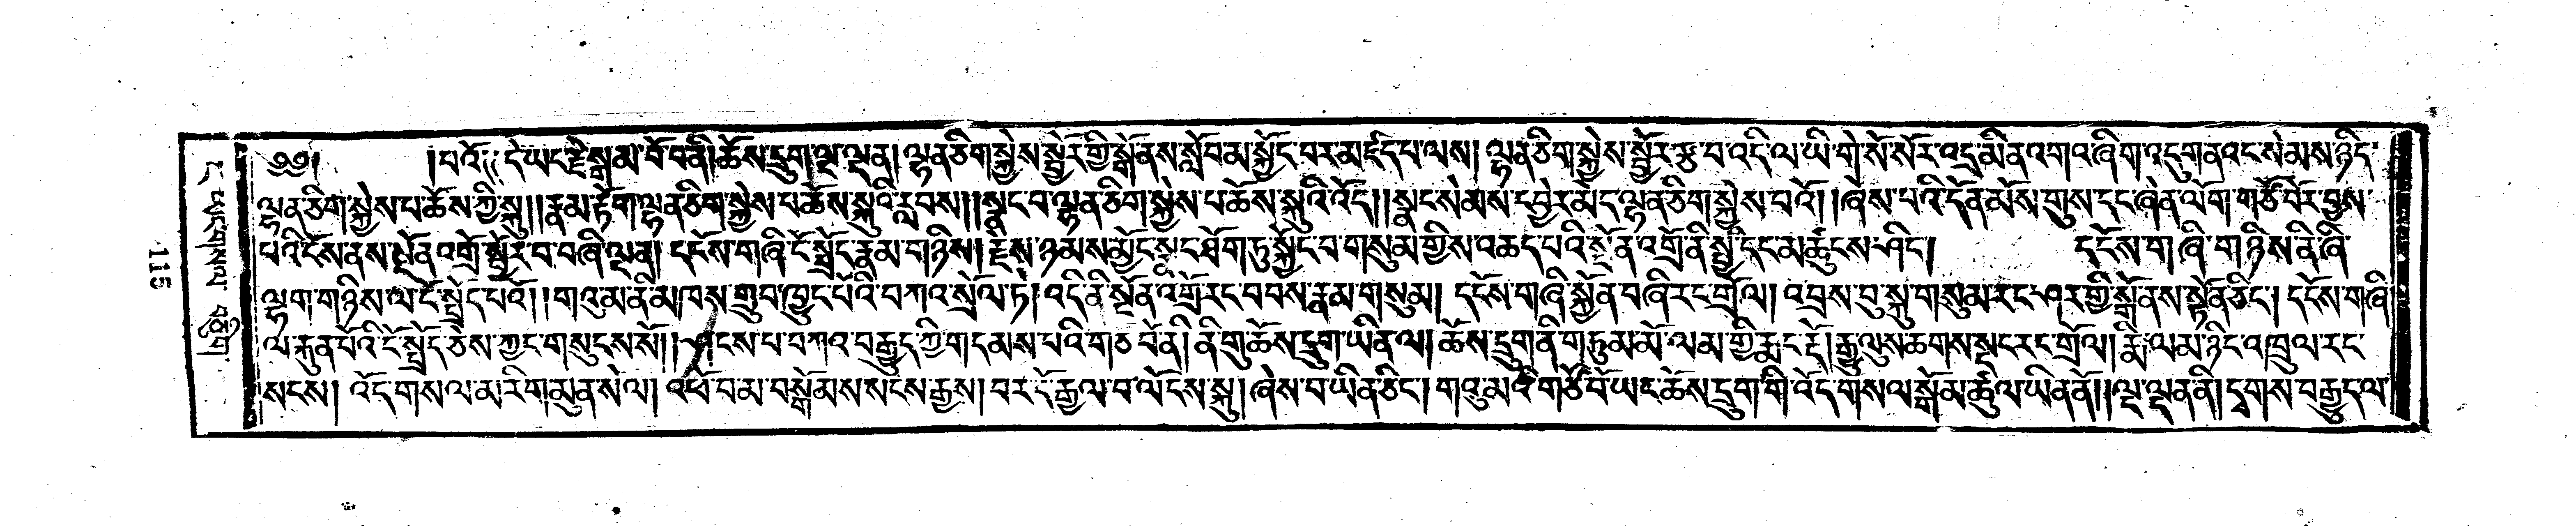༄༅། །པའོ། །དེ་ཡང་རྗེ་སྒམ་པོ་པ་ནི། ཆོས་དྲུག་ལྔ་ལྡན། ལྷན་ཅིག་སྐྱེས་སྦྱོར་གྱི་སྒོ་ནས་སློབ་མ་སྐྱོང་བར་མཛད་པ་ལས། ལྷན་ཅིག་སྐྱེས་སྦྱོར་རྩ་བ་འདི་ལ་ཡི་གེ་སོ་སོར་འདྲ་མིན་འགའ་ཞིག་འདུག་ནའང་སེམས་ཉིད་
ལྷན་ཅིག་སྐྱེས་པ་ཆོས་ཀྱི་སྐུ། །རྣམ་རྟོག་ལྷན་ཅིག་སྐྱེས་པ་ཆོས་སྐུའི་རླབས། །སྣང་བ་ལྷན་ཅིག་སྐྱེས་པ་ཆོས་སྐུའི་འོད། །སྣང་སེམས་དབྱེར་མེད་ལྷན་ཅིག་སྐྱེས་པའོ། །ཞེས་པའི་དོན་མོས་གུས་དང་ཞེན་ལོག་གཙོ་བོར་བྱས་
པའི་ངོས་ནས་སྔོན་འགྲོ་སྦྱོར་བ་བཞི་ལྡན། དངོས་གཞི་ངོ་སྤྲོད་རྣམ་གཉིས། རྗེས་ཉམས་མྱོང་སྣང་ཐོག་ཏུ་སྐྱོང་བ་གསུམ་གྱིས་འཆད་པའི་སྔོན་འགྲོ་ནི་སྤྱི་དང་མཚུངས་ཤིང་། དངོས་གཞི་གཉིས་ནི་ཞི་
ལྷག་གཉིས་ལ་ངོ་སྤྲོད་པའོ། །གའུ་མ་ནི་མཁས་གྲུབ་ཁྱུང་པོའི་བཀའ་སྲོལ་ཏེ། འདི་ནི་སྔོན་འགྲོ་རང་བབས་རྣམ་གསུམ། དངོས་གཞི་སྐྱོན་བཞི་རང་གྲོལ། འབྲས་བུ་སྐུ་གསུམ་རང་ཤར་གྱི་སྒོ་ནས་སྟོན་ཅིང་། དངོས་གཞི་
ལ་རྐུན་པོའི་ངོ་སྤྲོད་ཅེས་ཀྱང་གསུངས་སོ། །ཤངས་པ་བཀའ་བརྒྱུད་ཀྱི་གདམས་པའི་གཙོ་བོ་ནི། ནི་གུ་ཆོས་དྲུག་ཡིན་ལ། ཆོས་དྲུག་ནི་གཏུམ་མོ་ལམ་གྱི་རྨང་རྡོ། རྒྱུ་ལུས་ཆགས་སྡང་རང་གྲོལ། རྨི་ལམ་ཏིང་འཁྲུལ་རང་
སངས། འོད་གསལ་མ་རིག་མུན་སེལ། འཕོ་བ་མ་བསྒོམས་སངས་རྒྱས། བར་དོ་རྒྱལ་བ་ལོངས་སྐུ། ཞེས་པ་ཡིན་ཅིང་། གའུ་མའི་གཙོ་བོ་ཡང་ཆོས་དྲུག་གི་འོད་གསལ་སྒོམ་ཚུལ་ཡིན་ནོ། །ལྔ་ལྡན་ནི། དྭགས་བརྒྱུད་ལ་